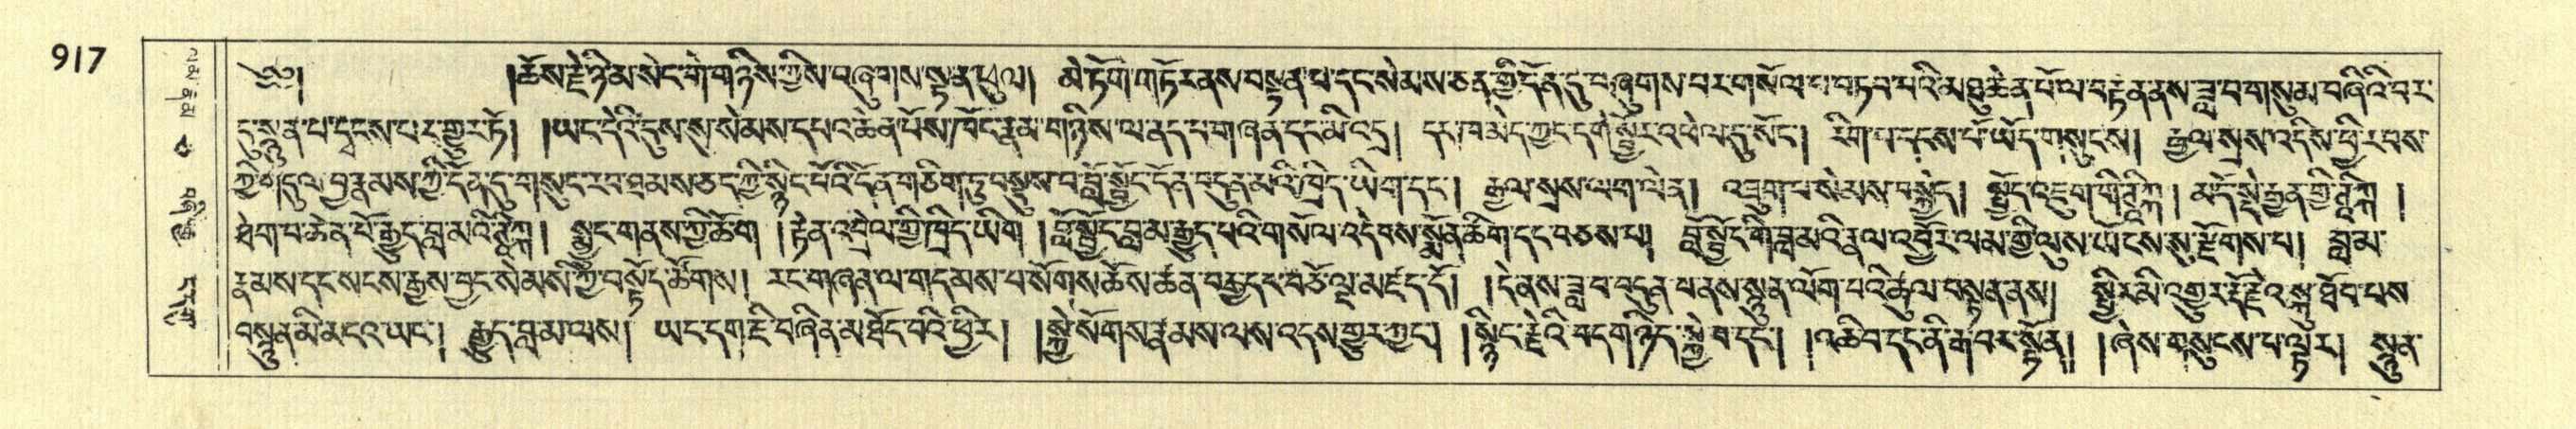༄༅། །ཆོས་རྗེ་ཉི་མ་སེང་གེ་གཉིས་ཀྱིས་བཞུགས་སྟན་ཕུལ། མེ་ཏོག་གཏོར་ནས་བསྟན་པ་དང་སེམས་ཅན་གྱི་དོན་དུ་བཞུགས་པར་གསོལ་པ་བཏབ་པའི་མཐུ་ཆེན་པོ་ལ་བརྟེན་ནས་ཟླ་བ་གསུམ་བཞིའི་བར་
དུ་སྙུན་པ་དྭངས་པར་གྱུར་ཏོ། །ཡང་དེའི་དུས་སུ་སེམས་དཔའ་ཆེན་པོས་ཁོང་རྣམ་གཉིས་ལ་ནད་པ་གཞན་དང་མི་འདྲ། དར་ཁ་མེད་ཀྱང་དགེ་སྦྱོར་འཕེལ་དུ་སོང་། རིག་པ་དངས་པོ་ཡོད་གསུངས། རྒྱལ་སྲས་འདིས་ཕྱི་རབས་
ཀྱི་གདུལ་བྱ་རྣམས་ཀྱི་དོན་དུ་གསུང་རབ་ཐམས་ཅད་ཀྱི་སྙིང་པོའི་དོན་གཅིག་ཏུ་བསྡུས་བ་བློ་སྦྱོང་དོན་བདུན་མའི་ཁྲིད་ཡིག་དང་། རྒྱལ་སྲས་ལག་ལེན། འྯུག་པ་སེམས་བསྐྱེད། སྤྱོད་འཇུག་གི་ཊཱིཀྐ། མདོ་སྡེ་རྒྱན་གྱི་ཊཱིཀྐ །
ཐེག་པ་ཆེན་པོ་རྒྱུད་བླ་མའི་ཊཱིཀྐ། སྨྱུང་གནས་ཀྱི་ཆོ་ག །རྟེན་འབྲེལ་གྱི་ཁྲིད་ཡིག །བློ་སྦྱོང་བླ་མ་རྒྱུད་པའི་གསོལ་འདེབས་སྨོན་ཚིག་དང་བཅས་པ། བློ་སྦྱོང་གི་བླ་མའི་རྣལ་འབྱོར་ལམ་གྱི་ལུས་ཡོངས་སུ་རྫོགས་པ། བླ་མ་
རྣམས་དང་སངས་རྒྱས་བྱང་སེམས་ཀྱི་བསྟོད་ཚོགས། རང་གཞན་ལ་གདམས་པ་སོགས་ཆོས་ཚན་བརྒྱ་དང་བཅོ་ལྔ་མཛད་དོ། །དེ་ནས་ཟླ་བ་བདུན་པ་ནས་སྙུན་ལོག་པའི་ཚུལ་བསྟན་ནས། སྤྱིར་མི་འགྱུར་རྡོ་རྗེའ་སྐུ་ཐོབ་པས་
བསྙུན་མི་མངའ་ཡང་། རྒྱུད་བླ་མ་ལས། ཡང་དག་ཇི་བཞིན་མཐོང་བའི་ཕྱིར། །སྐྱེ་སོགས་རྣམས་ལས་འདས་གྱུར་ཀྱང་། །སྙིང་རྗེའི་བདག་ཉིད་སྐྱེ་བ་དང་། །འཆི་བ་དང་ནི་རྒ་བར་སྟོན། །ཞེས་གསུང་པ་ལྟར། སྙུན་